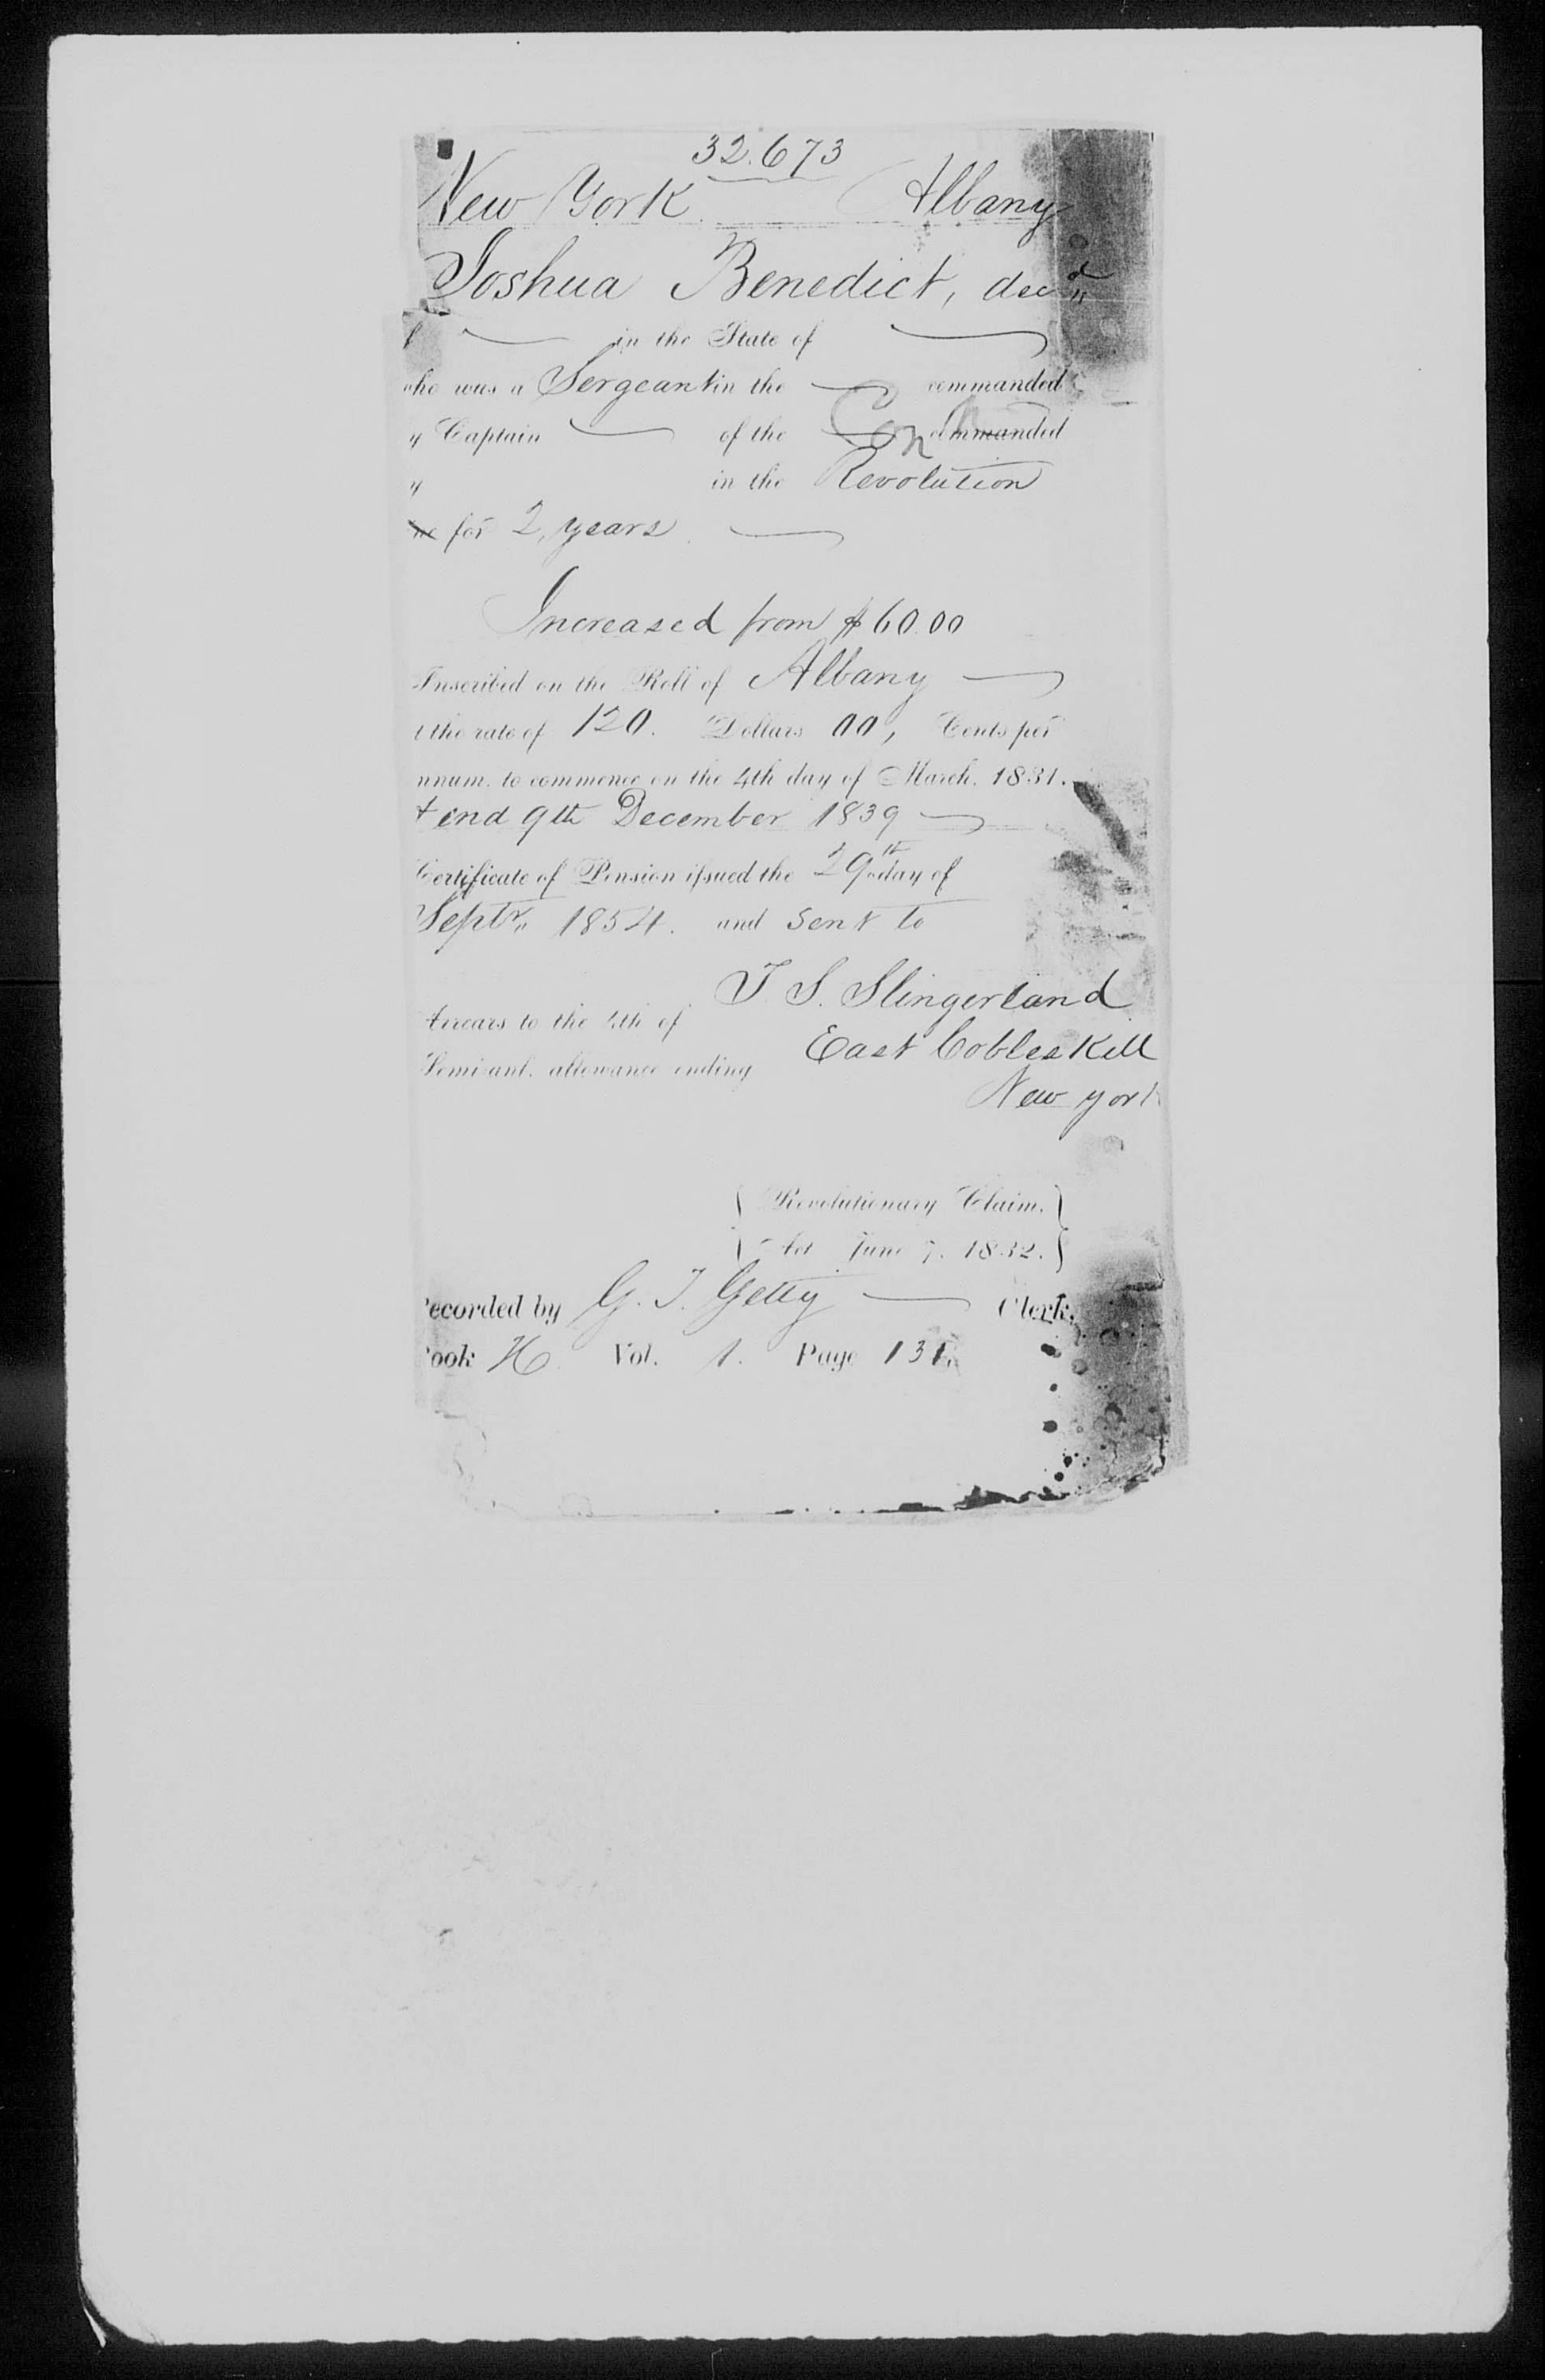32.673
New York  Albany

Joshua Benedict, decd. of - in the State of - who was a Sergeant in the - commanded by Captain - of the - commanded by in the Con Revolution line [crossed out] for 2 years -

Increased from $60 00
Inscribed on the Roll of Albany at the rate of 120. Dollars 0, Cents per annum to commence on the 4th day of March, 1831. & end 9th December 1839 ~

Certificate of Pension issued the 29th day of Septr. 1854. and sent to J S. Slingerland
East Cobleskill
New York
Arrears to the 4th of
Semi-anl. allowance ending

{Revolutionary Claim,
Act June 7, 1832.}
Recorded by G. J. Getty Clerk,
Book H Vol. 1. Page 131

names: G T Getty, T S Slingerland, Joshua Benedict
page: 17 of 106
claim: survivor's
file: S 23,116., Joshua Benedict, Conn.